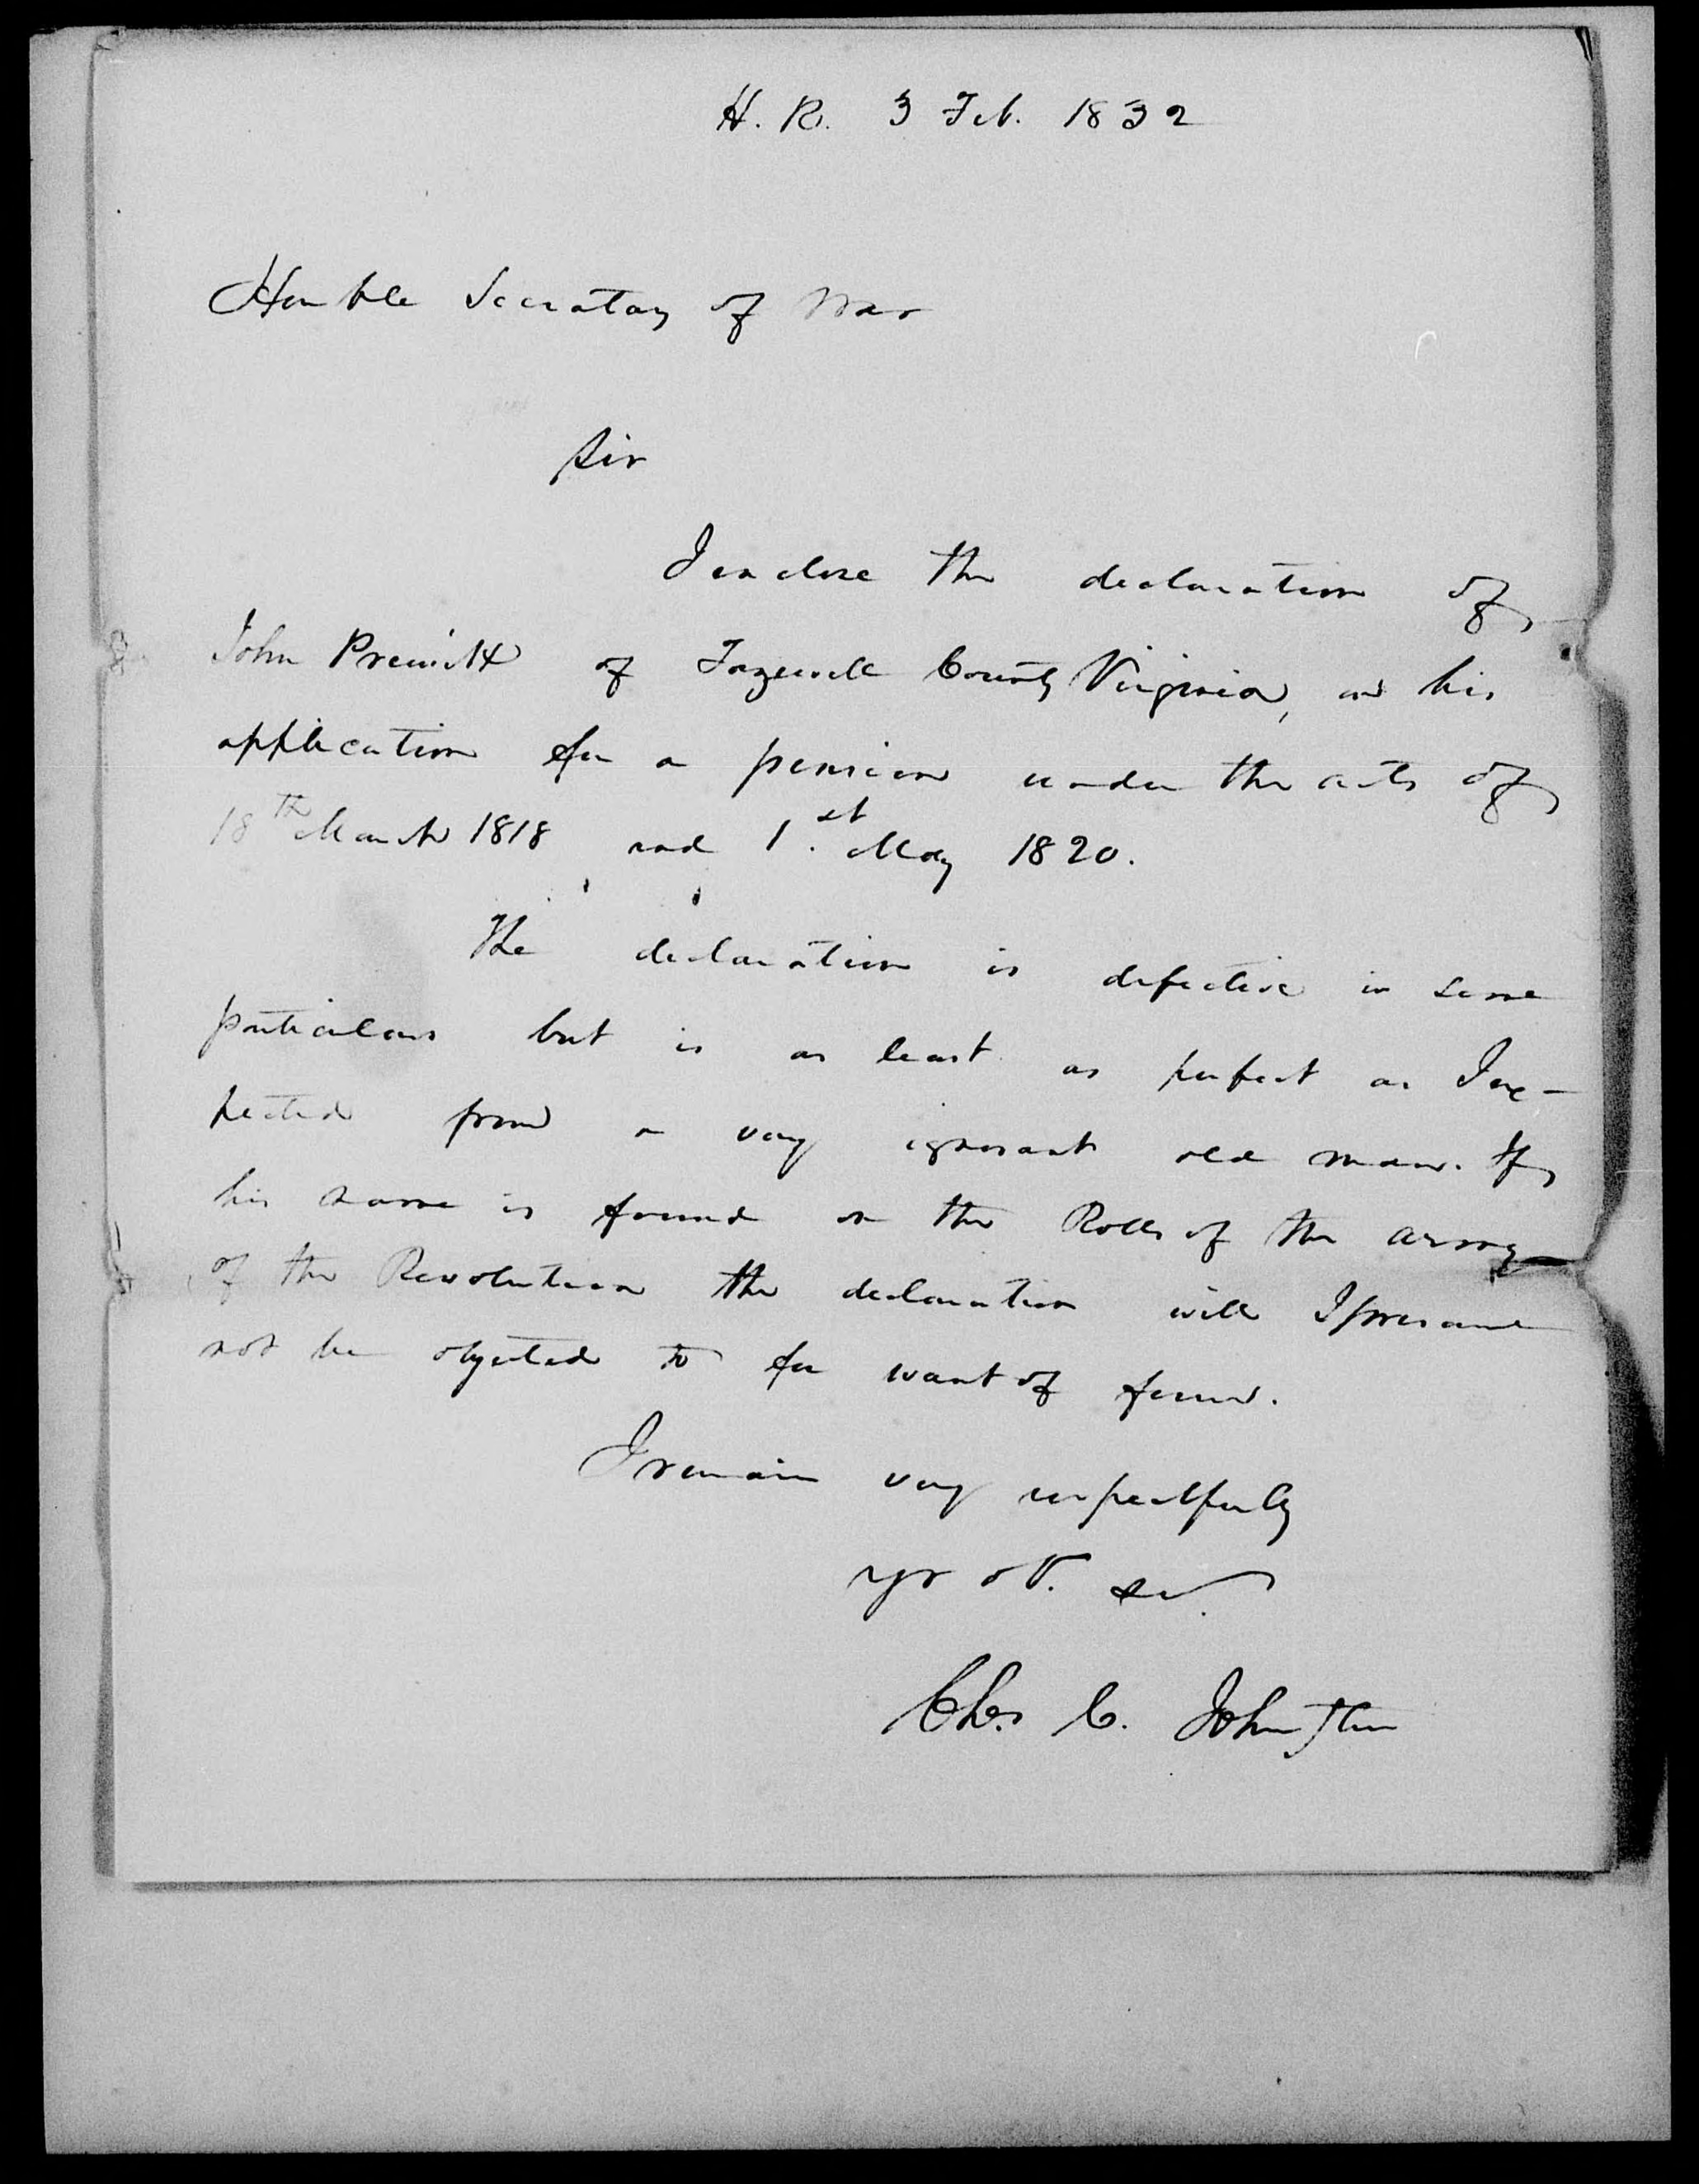H. R. 3 Feb. 1832

Honble Secretary of War

Sir
I enclose the declaration of John Prewitt of Tazewell County Virginia, as his application for a pension under the acts of 18th March 1818, and 1st May 1820.
The declaration is defective in some particulars but is at least as perfect as I expected from a very ignorant old man. If his name is found on the Rolls of the Army of the Revolution the declaration will I presume not be objected to for want of forms.
I remain very respectfully
Yr ob. st.
Chas. C Johnston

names: John Prewitt; Chs C Johnston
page: 31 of 35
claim: survivor's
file: S. 30,665, for John Prewett, Virginia